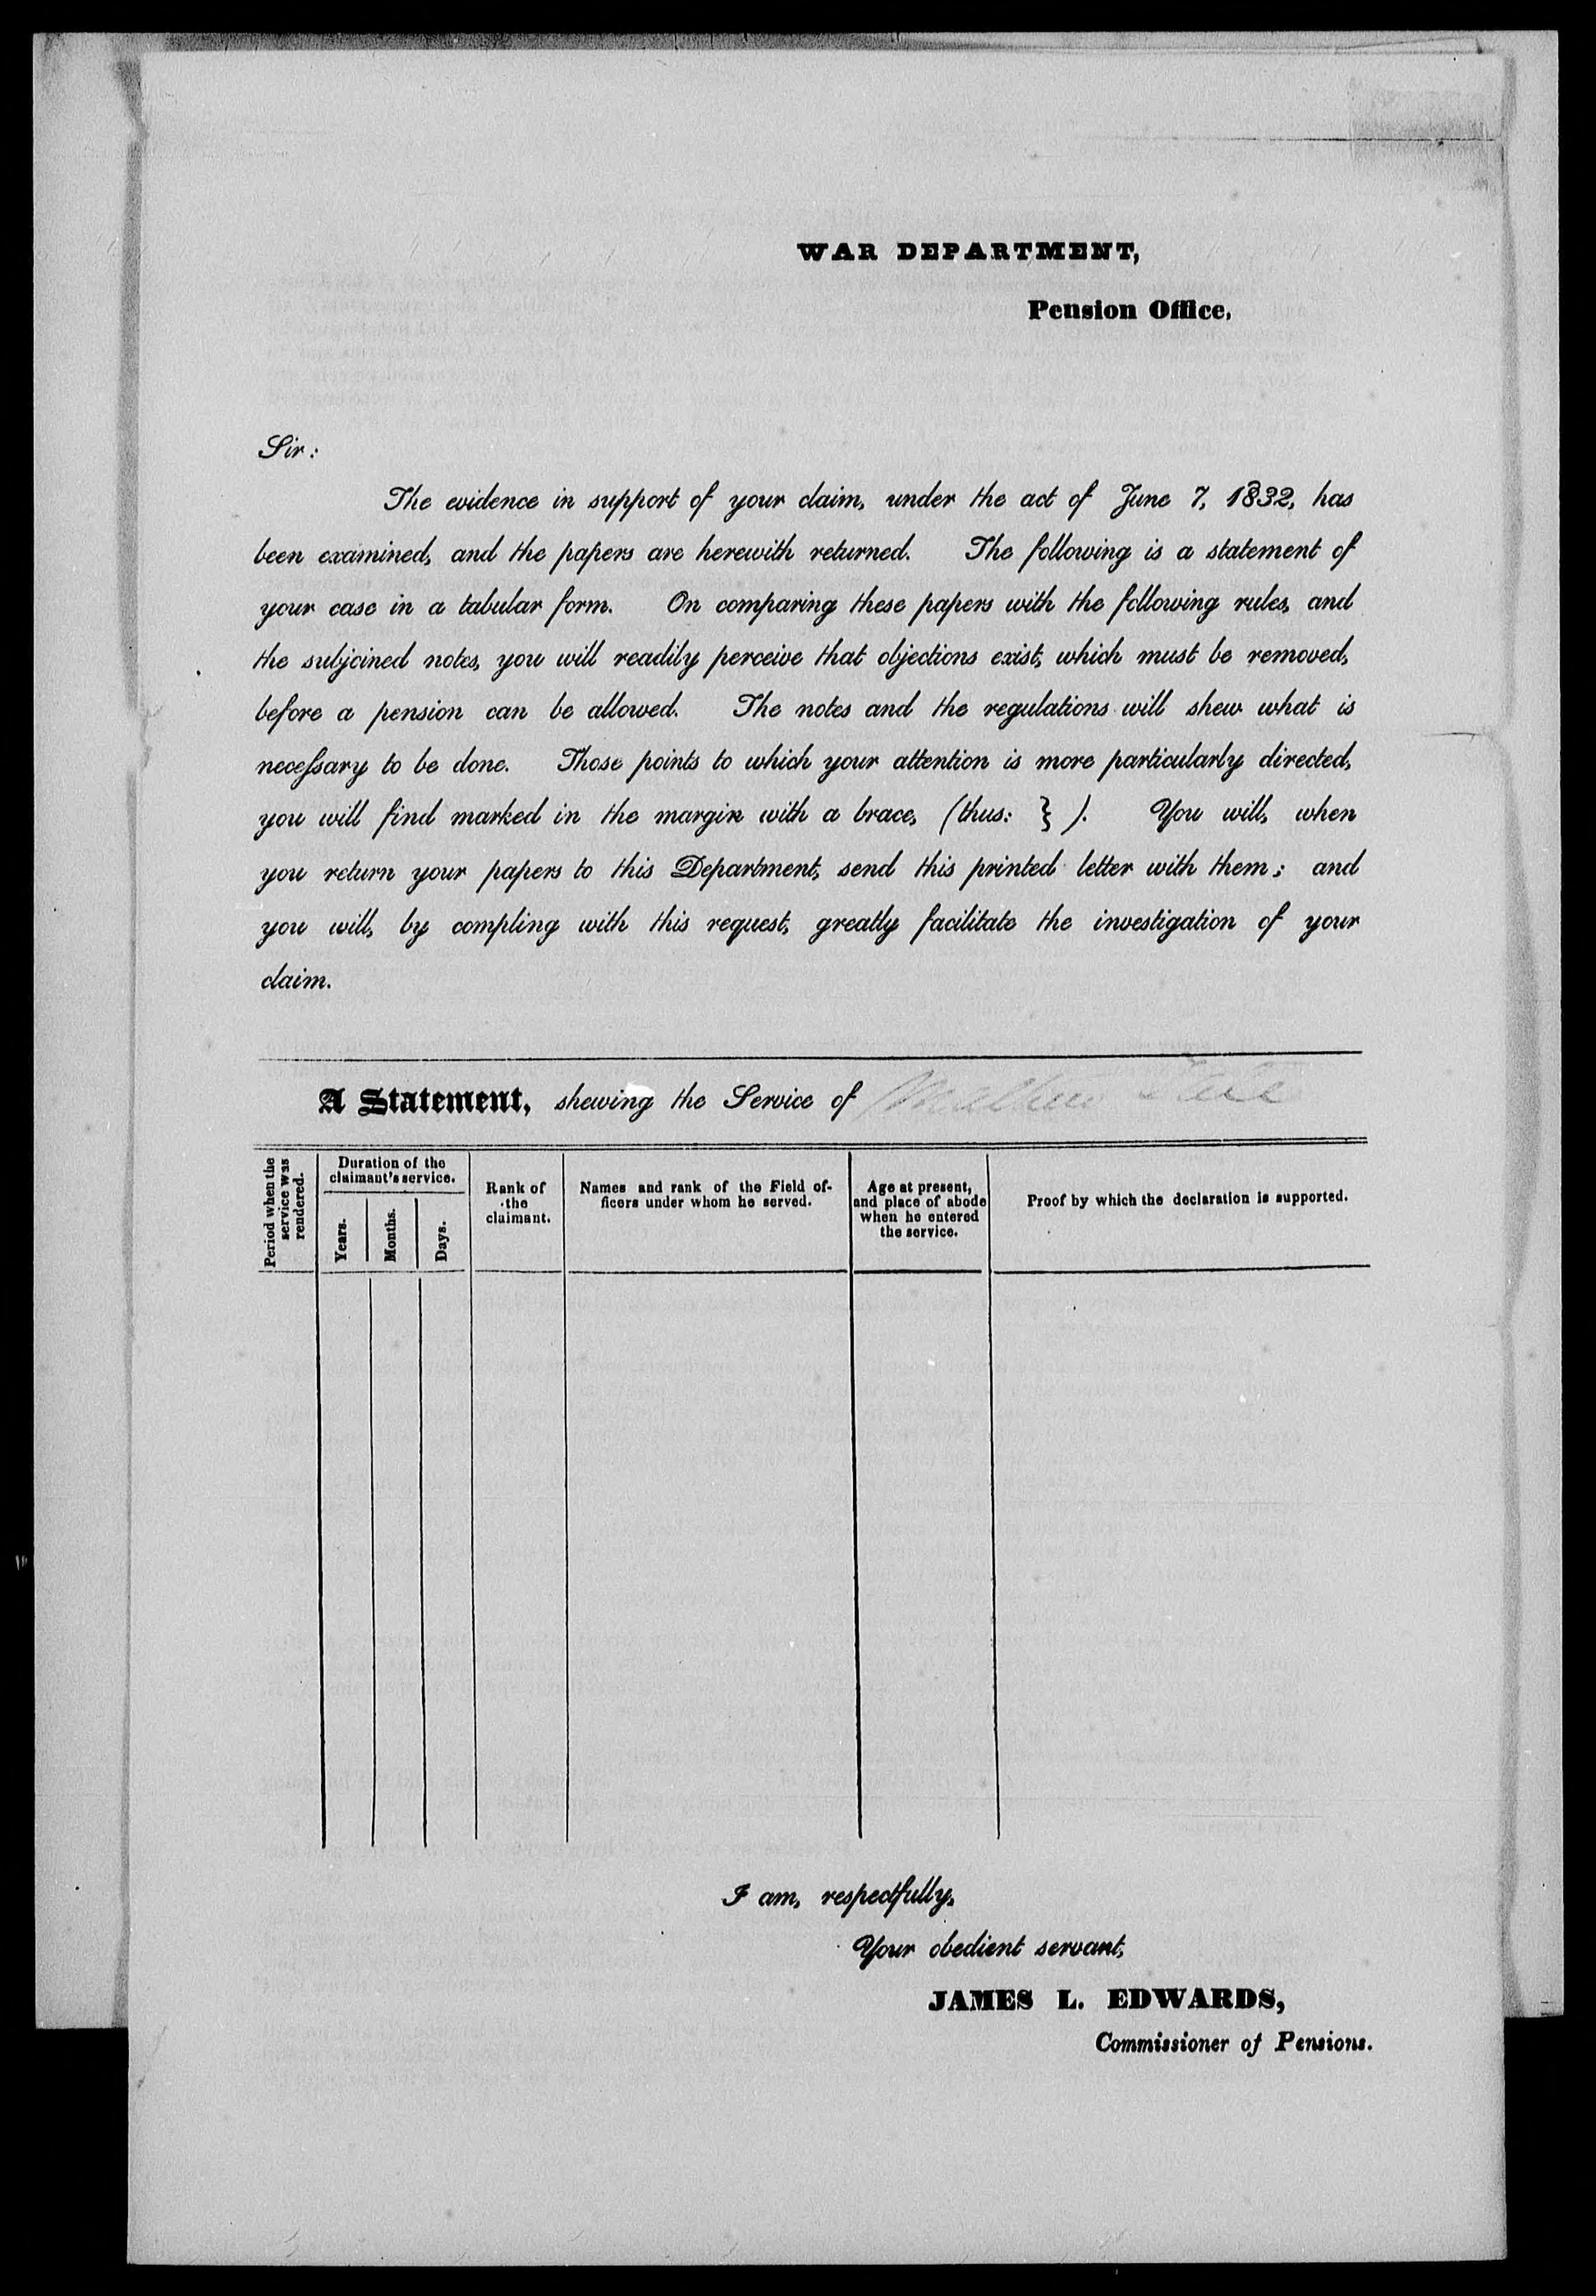WAR DEPARTMENT,
Pension Office,
Sir:
The evidence in support of your claim, under the act of June 7,1832 has been examined, and the papers are herewith  reburned.
The following is a statement of your case in a tabular form. On comparing these papers with the following rules, and the subjoined notes, you will readily perceive that objections exist, which most be removed, before pension can be allowed.
The notes and the regulations will shew what is  necessary to be done. Those points to which your attention is more particularly directed,
you will find marked in the margin
with a brace (thus }). You will , when return your papers to this Department, send this printed letter with them; and 
You will by compiling with this request greatly facilitate the investigation of your claim.
A Statement, shewing the Service of Matthew Tate
Period when the service was rendered
Duration of the Claimant service
Years Months Days
Rank of Claimant
Names and ranks of Field Officers under whom he served
Age at present and place of abode when he entered the service
Proof by which the declaration is supported
I am respectfully,
Your obedient servant,
James L. Edwards,
Commissioner of Pensions.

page: 16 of 18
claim: survivor's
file: S. 11,508, for Mathew Tate, Virginia